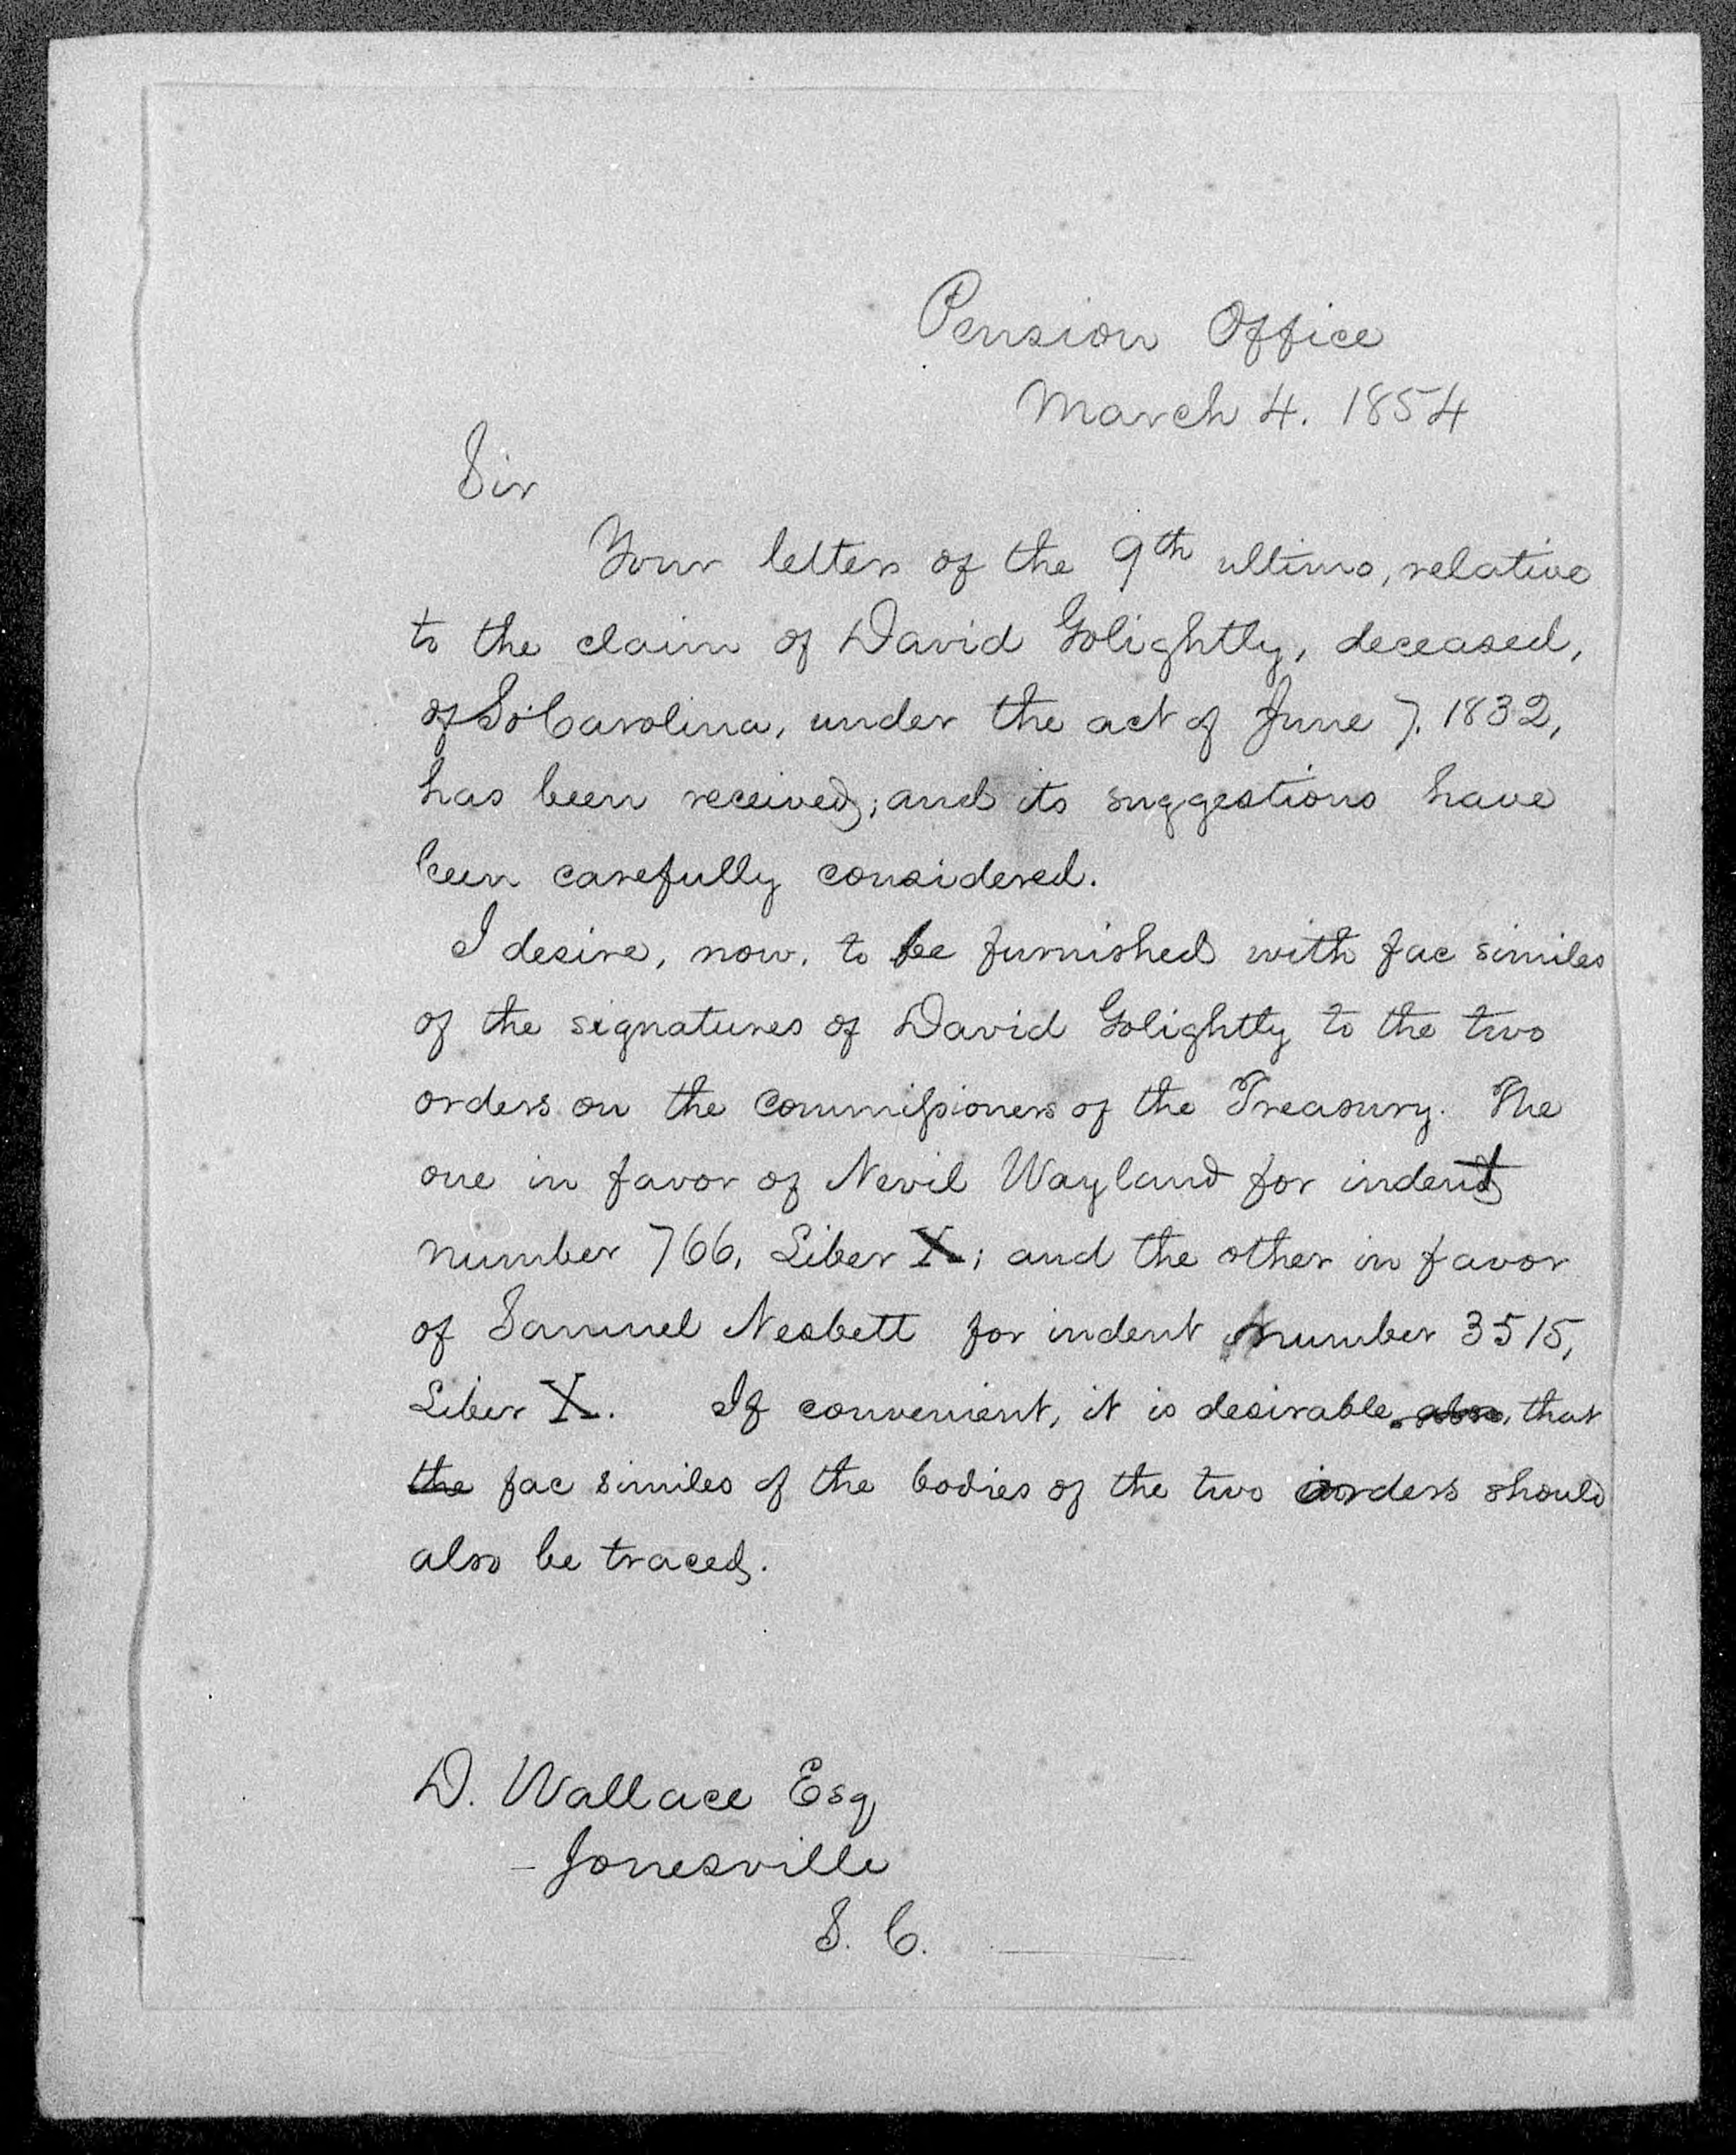Pension Office
March 5, 1854

Sir
    Your letter of the 9th ultimo, relative to the claim of David Golightly, deceased, of South Carlina, under the act of June 7, 1832, has been received and its suggestions have been carefully considered.

   I desire, now, to be furnished with the facsimiles of the signatures of David Golightly to the two orders on the commissioners of the Treasury.  The one in favor of Nevil Wayland for indent number 766, Liber X, and the other in favor of Samuel Nesbett for indent number 3515, Liber X.  If convenient, it is desirable that the facsimiles of the bodies of the two orders should also be traced.

D. Wallace Esq
Jonesville
S.C.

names: D Wallace, David Golightly, Samuel Nesbett, Nevil Wayland, David Golightly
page: 23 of 57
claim: survivor's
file: S. 18888, David Golightly, S.C.